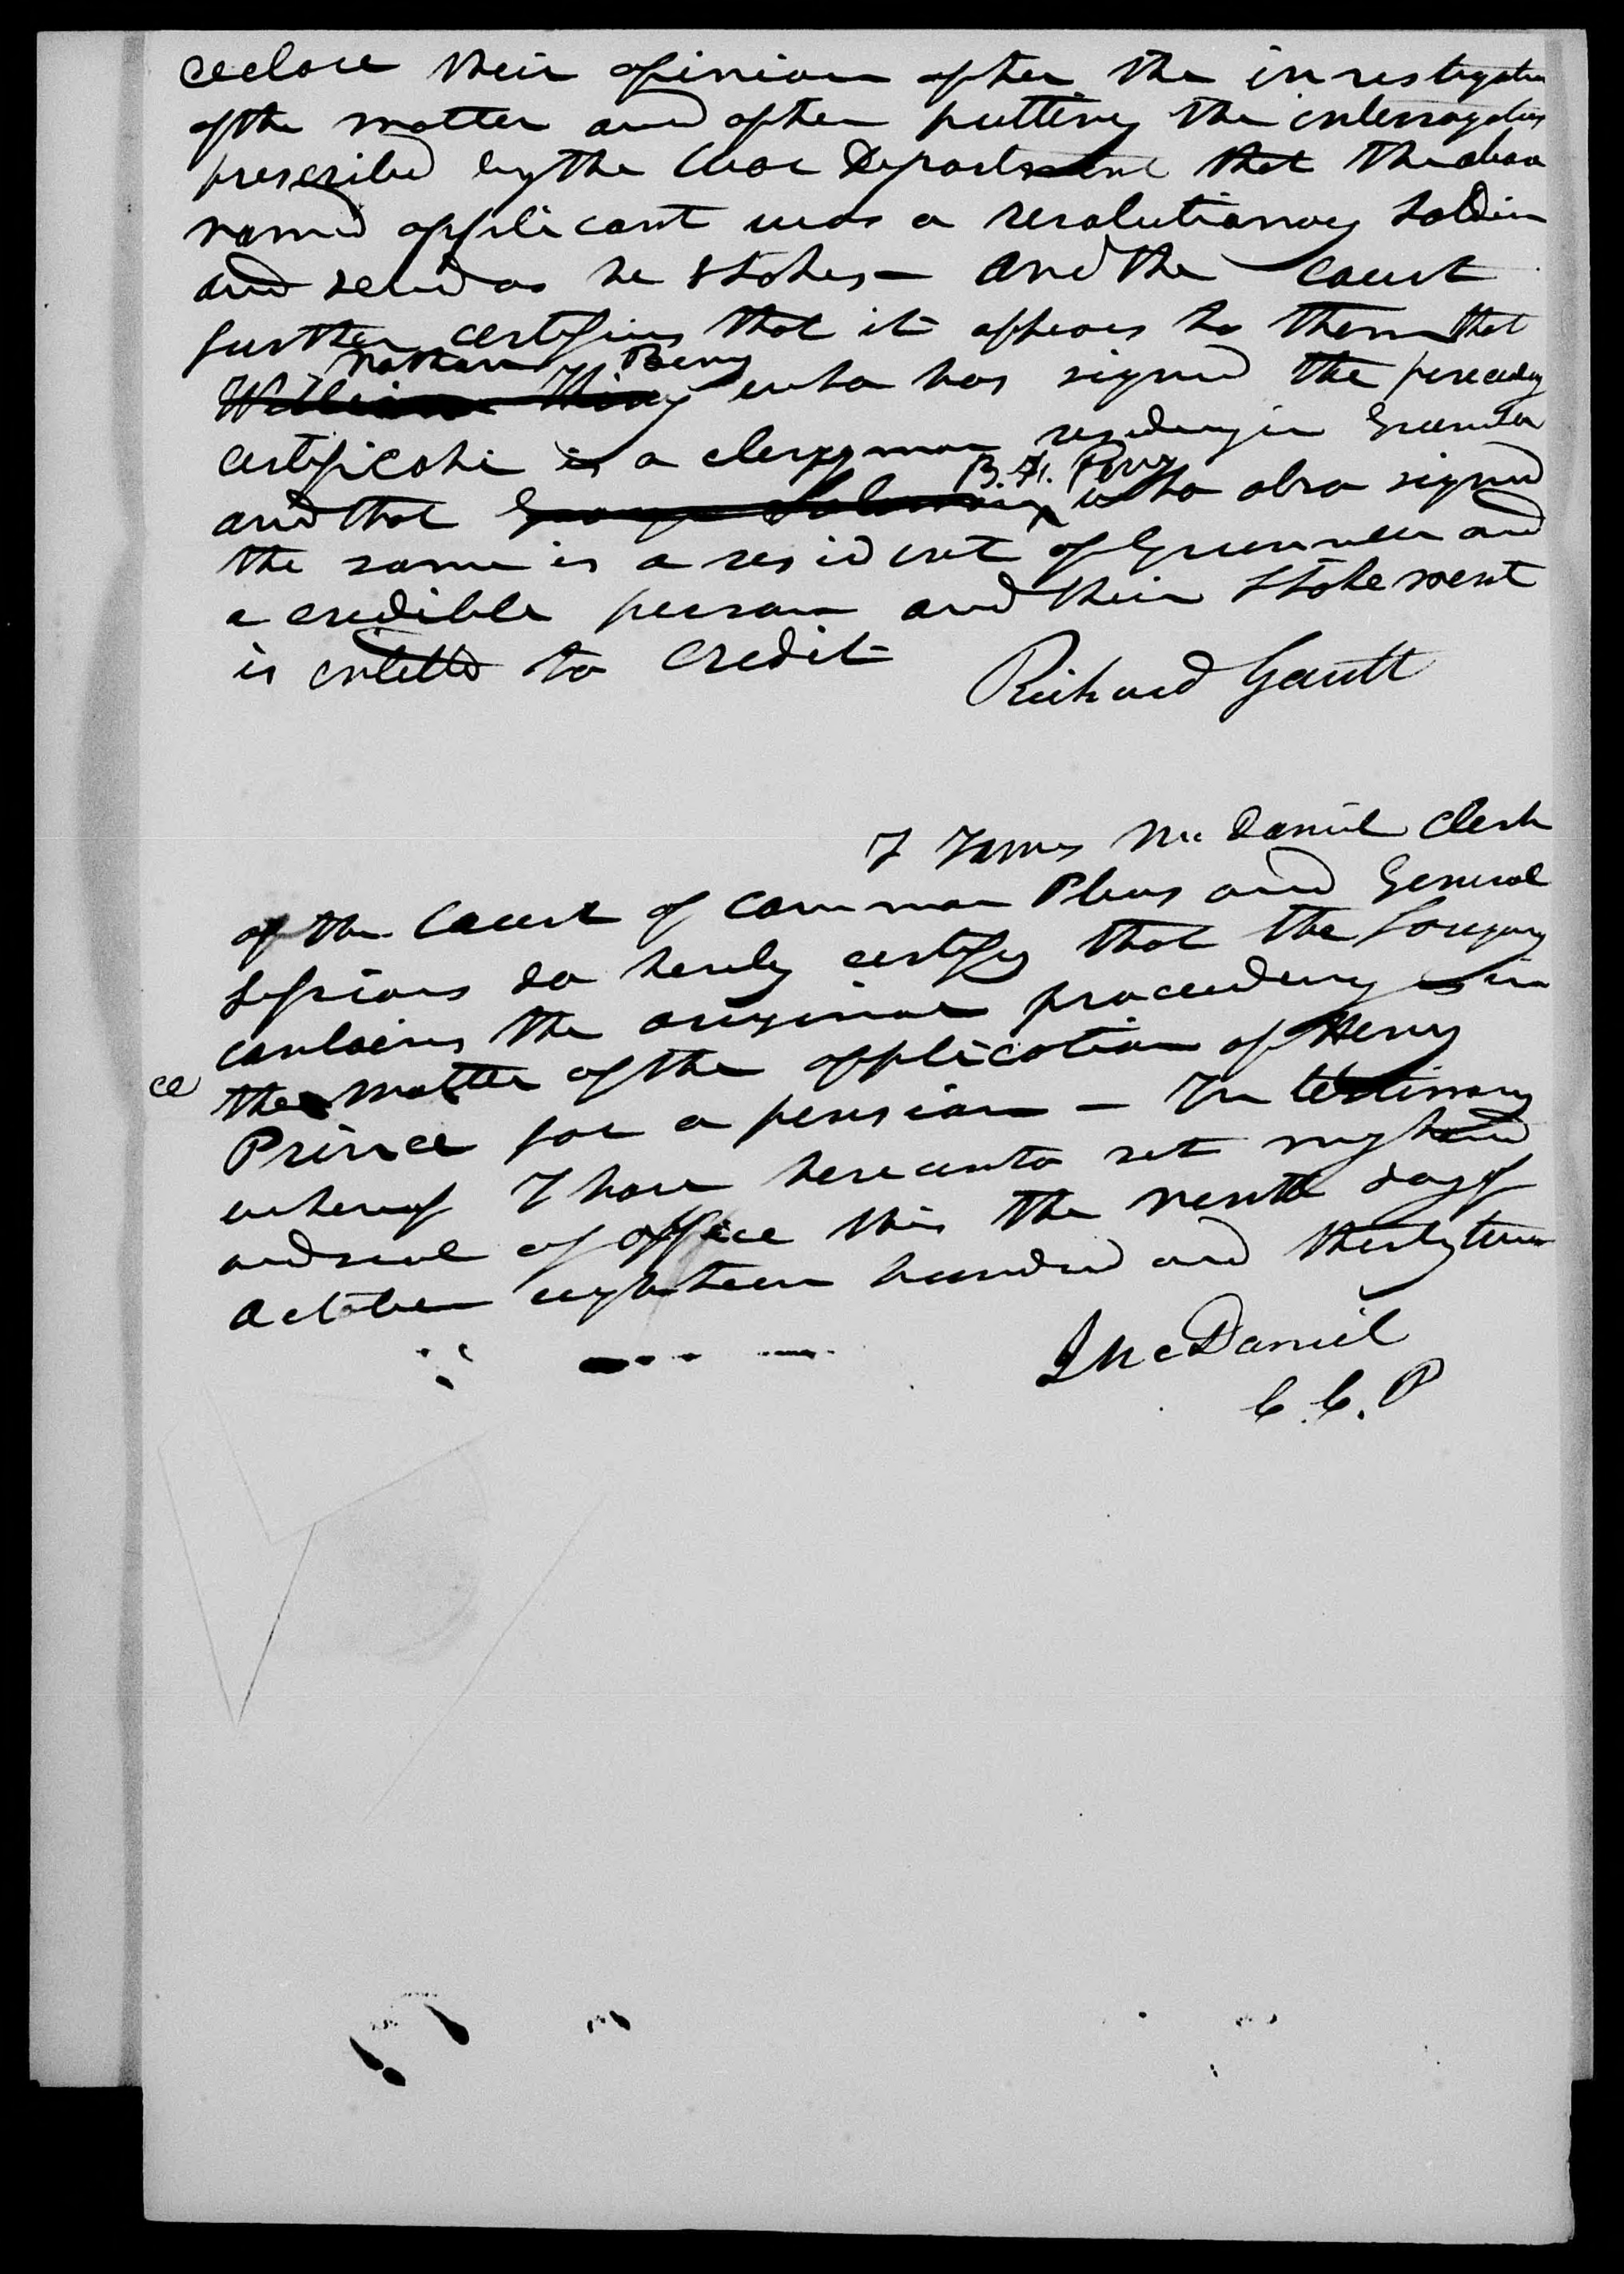declare their opinion after the investigation of the matter and after putting the interrogatories prescribed by the War Department , that the  above name d applicant  was a revolutionary soldier  and served as he states - and the Court further certifies  that it appears to them that  Nathan Berry  who has signed the proceeding certificate  is a clergyman residing in Greenville and that B. F. Perry  also signed the same is a resident  of Greenville and a credible person and their statement is entitled to credit.  Richard Gantt ( signed )  I James Mc Daniel Clerk of the Court of Common Pleas and General Sessions do hereby certify that the foregoing contains the original proceedings in the matter of the application of Henry Prince for a pension - In testimony whereof I have hereunto set my  hand  and seal of office this the ninth day of October eighteen hundred and thirty three. J Mc Daniel ( signed / sealed ) C.C.P.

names: Henry Prince; James Mc Daniel; Nathan Berry; Richard Garett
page: 6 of 23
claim: survivor's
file: S. 18,168, for Henry Prince, South Carolina